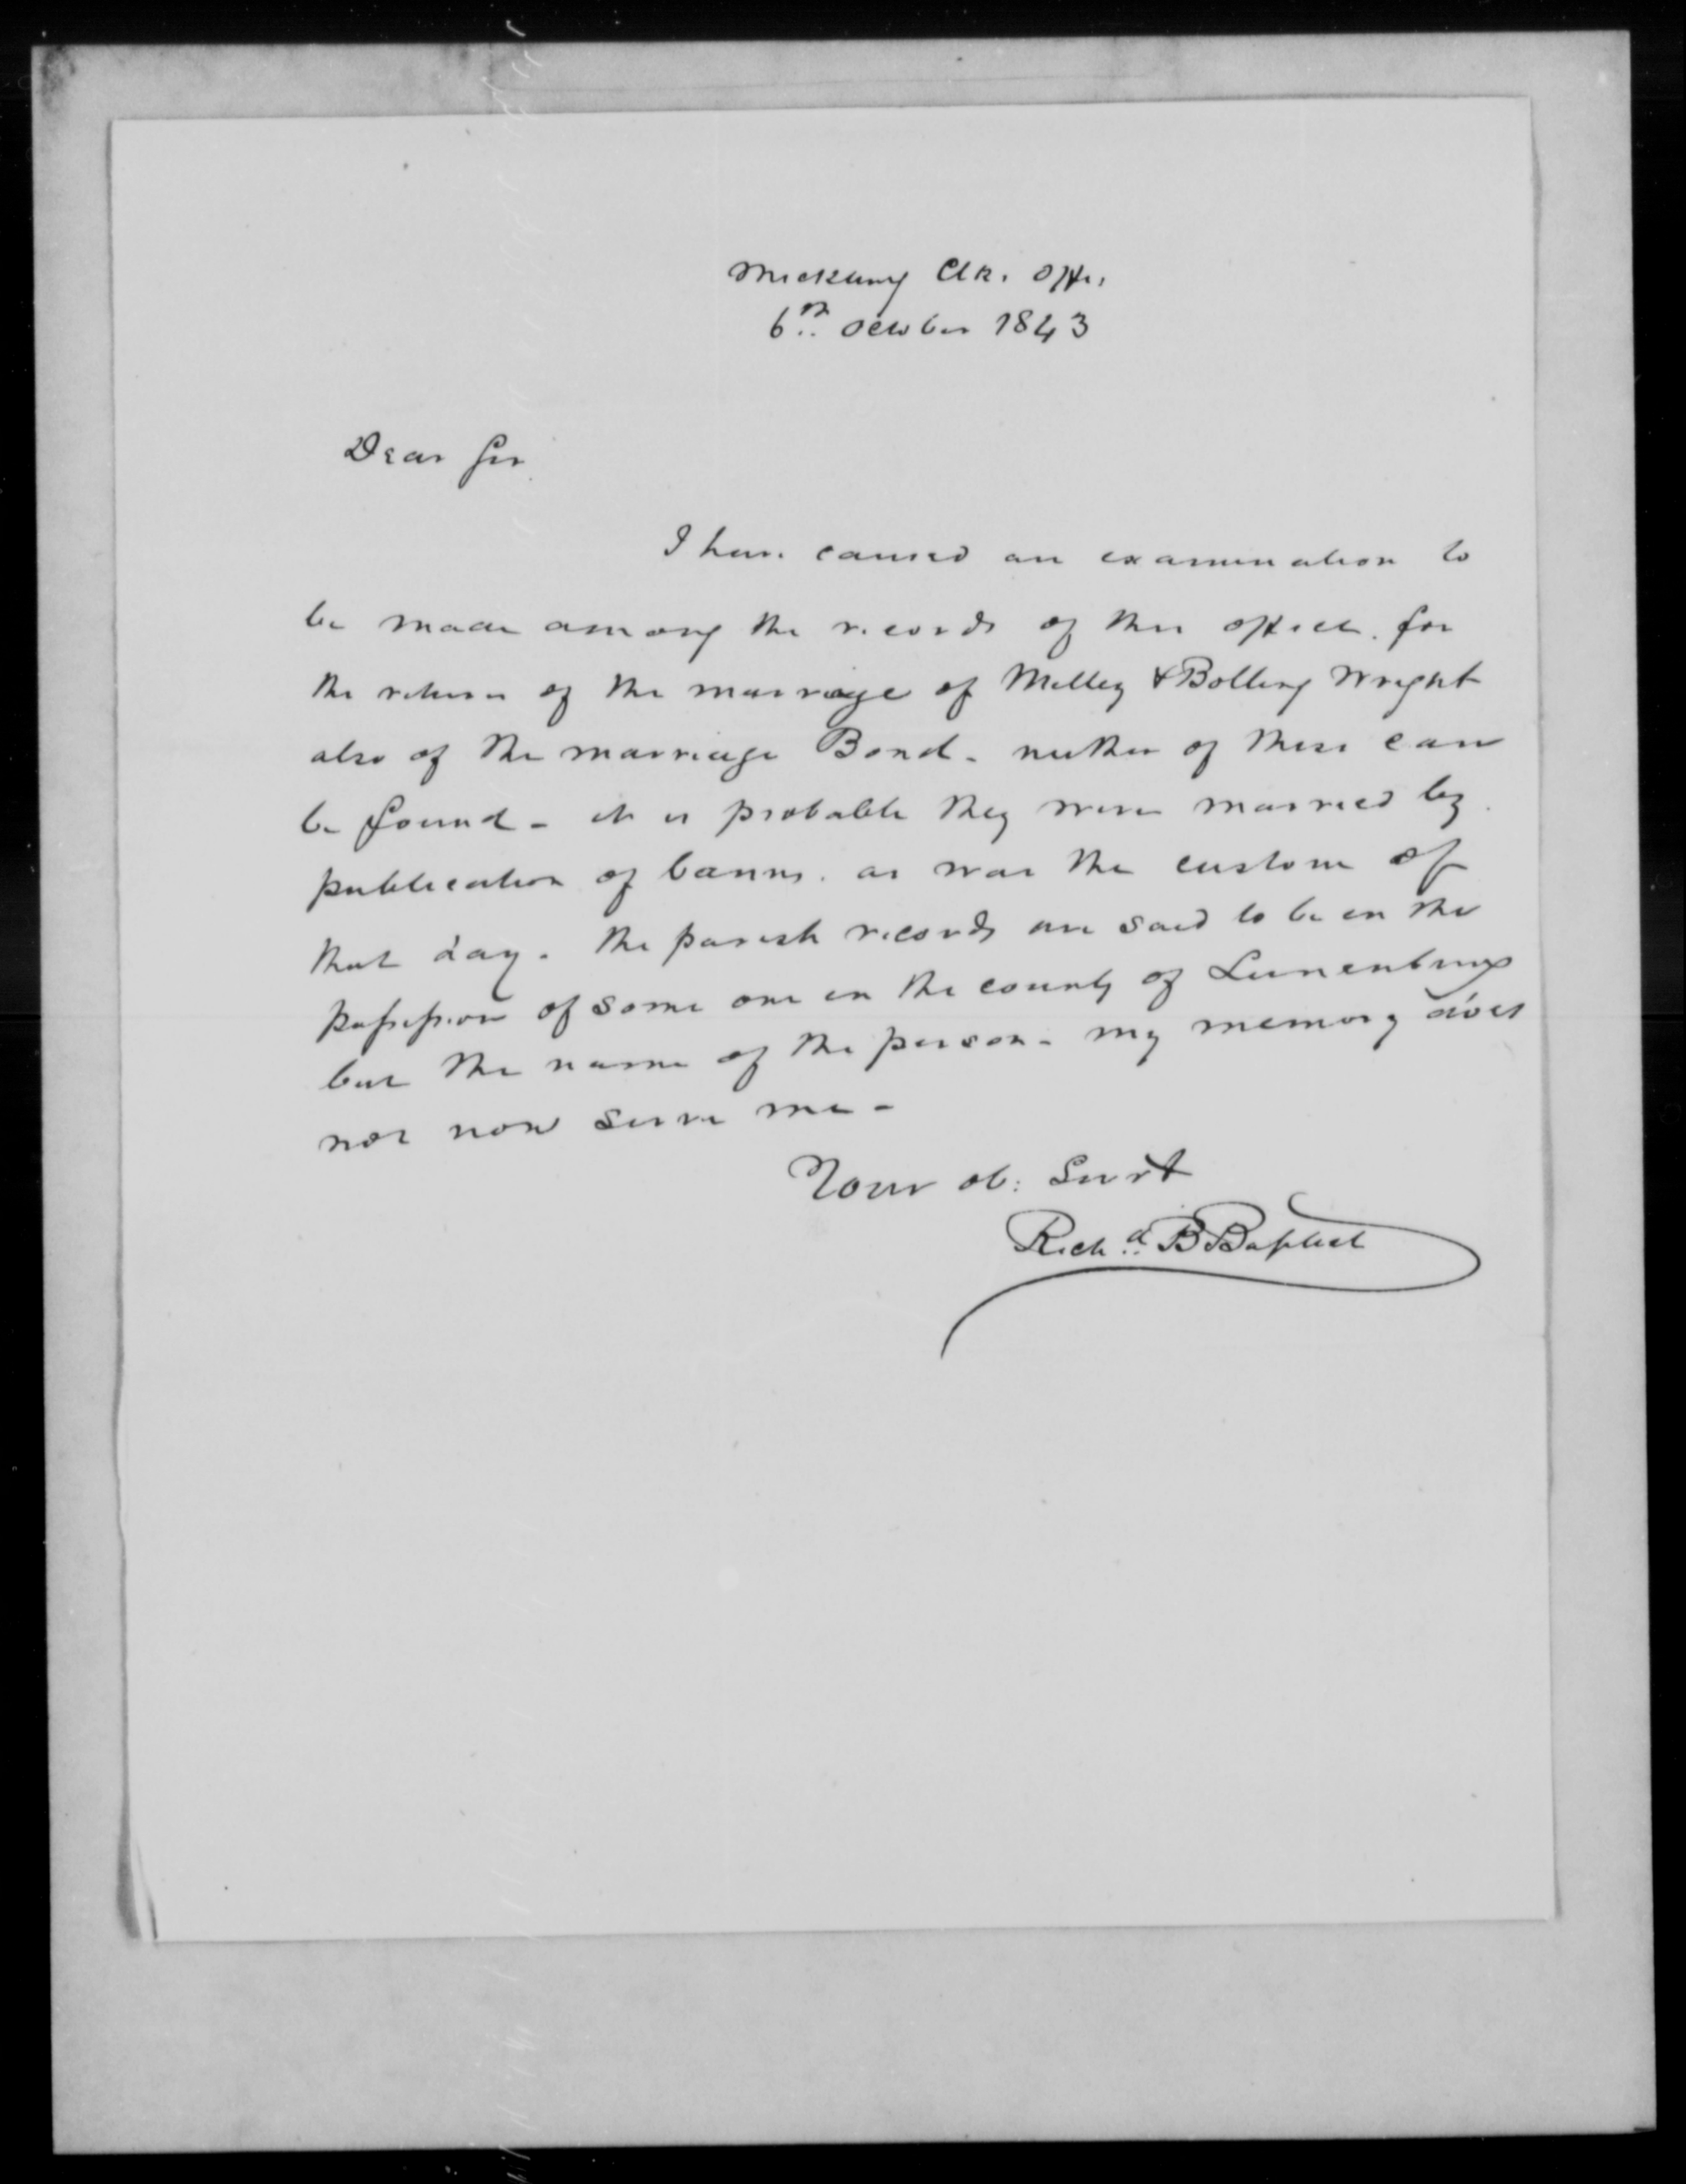Mickeny Clk. Off.
6th October 1843

Dear Sir

I have caused an examination to
be made among the records of this office for
the return of the marriage of Miller & Bolling Wright
also of the marriage Bond, neither of them can be
found-- it is probable they were married by
publication of Canns, as was the custom of
that day. The parish records are said to be in the
possession of some one in the County of Lunenberg
but the name of the person _ my memory does
not now serve me
Your ob: Servt
Richd B Baptist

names: Richd B Baptist, Bolling Wright, Milley Wright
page: 55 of 81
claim: widow's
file: W. 5183, Bolling Wright, Va.